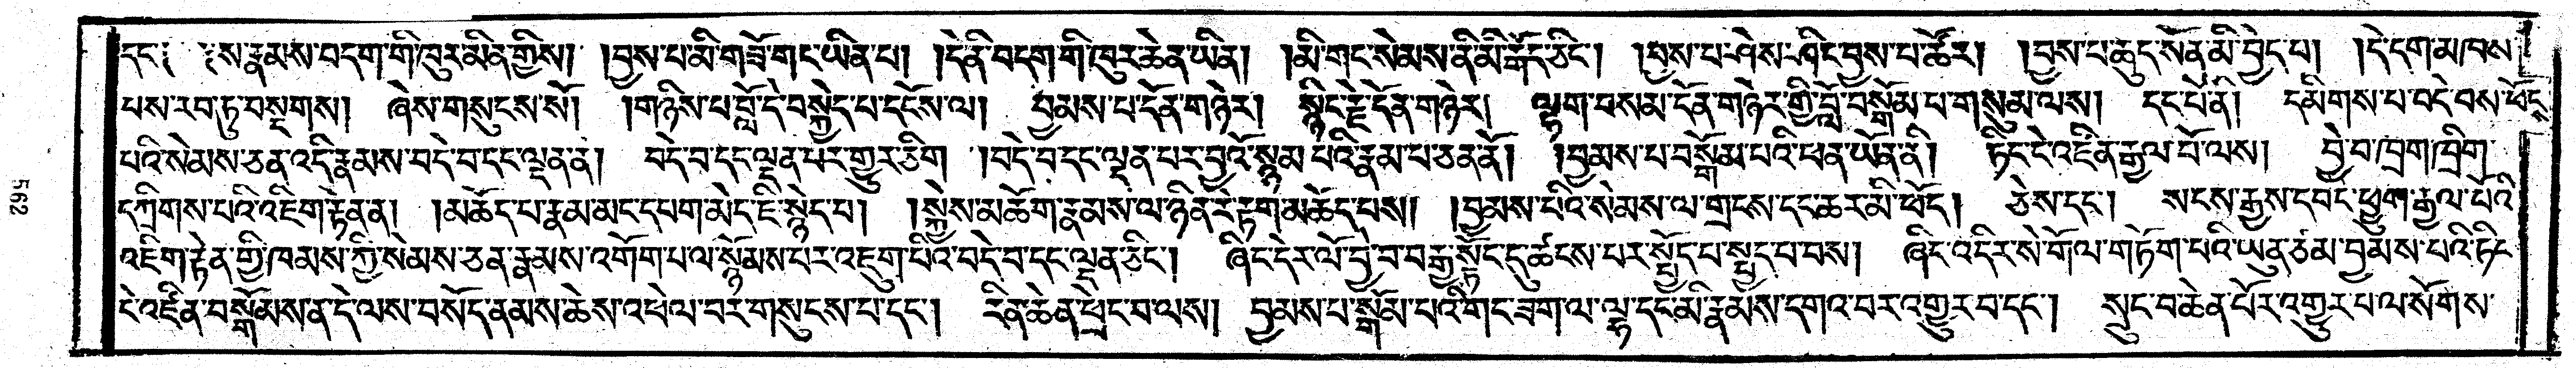དང༑ ༑ས་རྣམས་བདག་གི་ཁུར་མིན་གྱིས། །བྱས་པ་མི་གཟོ་གང་ཡིན་པ། །དེ་ནི་བདག་གི་ཁུར་ཆེན་ཡིན། །མི་གང་སེམས་ནི་མི་རྒོད་ཅིང་། །བྱས་པ་ཤེས་ཤིང་བྱས་པ་ཚོར། །བྱས་པ་ཆུད་སོན་མི་བྱེད་པ། །དེ་དག་མཁས་
པས་རབ་ཏུ་བསྔགས། ཞེས་གསུངས་སོ། །གཉིས་པ་བློ་དེ་བསྐྱེད་པ་དངོས་ལ། བྱམས་པ་དོན་གཉེར། སྙིང་རྗེ་དོན་གཉེར། ལྷག་བསམ་དོན་གཉེར་གྱི་བློ་བསྒོམ་པ་གསུམ་ལས། དང་པོ་ནི། དམིགས་པ་བདེ་བས་ཕོངས་
པའི་སེམས་ཅན་འདི་རྣམས་བདེ་བ་དང་ལྡན་ན། བདེ་བ་དང་ལྡན་པར་གྱུར་ཅིག །བདེ་བ་དང་ལྡན་པར་བྱའོ་སྙམ་པའི་རྣམ་པ་ཅན་ནོ། །བྱམས་པ་བསྒོམ་པའི་ཕན་ཡོན་ནི། ཏིང་ངེ་འཛིན་རྒྱལ་པོ་ལས། བྱེ་བ་ཁྲག་ཁྲིག་
དཀྲིགས་པའི་འཇིག་རྟེན་ན། །མཆོད་པ་རྣམ་མང་དཔག་མེད་ཇི་སྙེད་པ། །སྐྱེས་མཆོག་རྣམས་ལ་ཉིན་རེ་རྟག་མཆོད་པས། །བྱམས་པའི་སེམས་ལ་གྲངས་དང་ཆར་མི་ཕོད། ཅེས་དང་།སངས་རྒྱས་དབང་ཕྱུག་རྒྱལ་པོའི་
འཇིག་རྟེན་གྱི་ཁམས་ཀྱི་སེམས་ཅན་རྣམས་འགོག་པ་ལ་སྙོམས་པར་འཇུག་པའི་བདེ་བ་དང་ལྡན་ཅིང་། ཞིང་དེར་ལོ་བྱེ་བ་བརྒྱ་སྟོང་དུ་ཚངས་པར་སྤྱོད་པ་སྤྱད་པ་བས། ཞིང་འདིར་སེ་གོལ་གཏོག་པའི་ཡུན་ཙམ་བྱམས་པའི་ཏིང་
ངེ་འཛིན་བསྒོམས་ན་དེ་ལས་བསོད་ནམས་ཆེས་འཕེལ་བར་གསུངས་པ་དང་། རིན་ཆེན་ཕྲེང་བ་ལས། བྱམས་པ་སྒོམ་པའི་གང་ཟག་ལ་ལྷ་དང་མི་རྣམས་དགའ་བར་འགྱུར་བ་དང་། སྲུང་བ་ཆེན་པོར་འགྱུར་པ་ལ་སོགས་